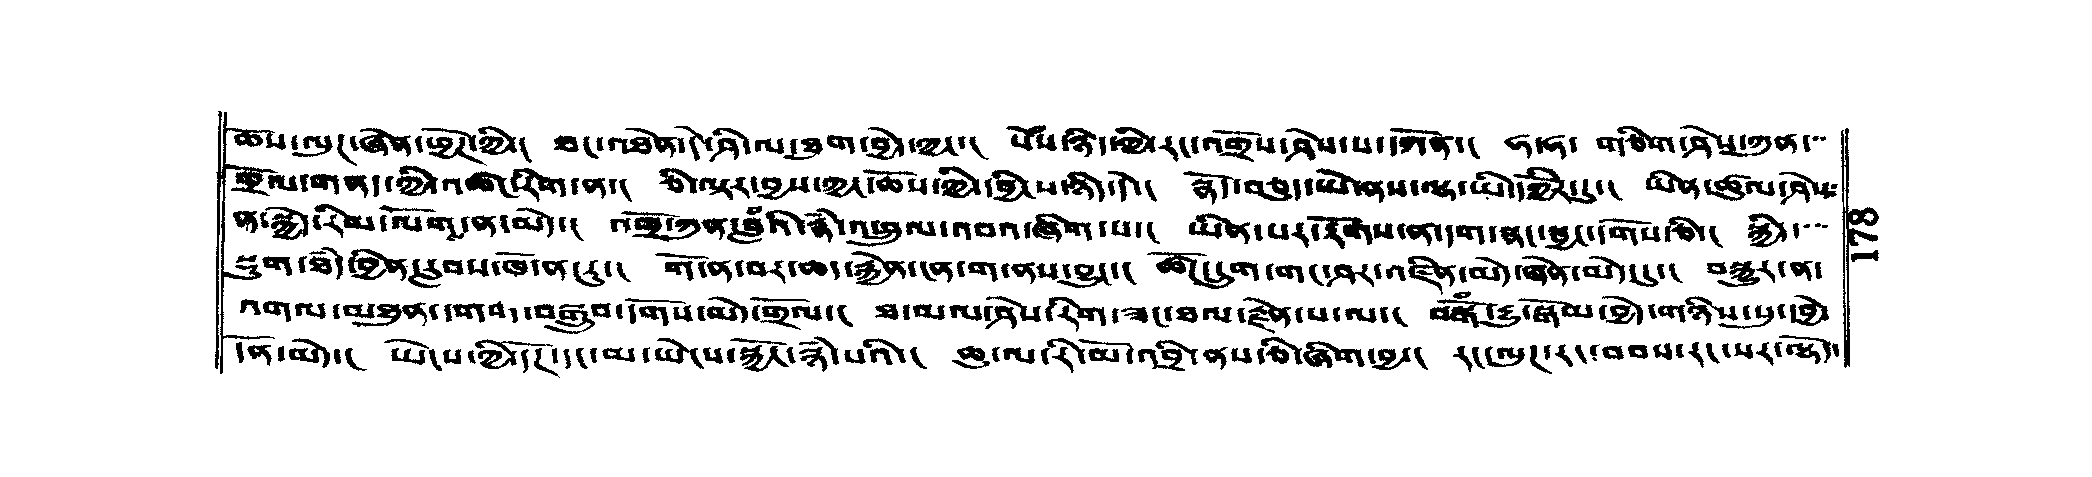ཆོས་ལུགས་ཞེན་ཕྱོགས་ཀྱི། །ཐང་འཐེན་དེ་ཤི་ལ་ཐུག་བྱེད་ཀྱང་། །སེམས་ཉིད་ཀྱི་རང་འགྲོས་ཤེས་པ་དཀོན། །ཧ་ཧ། གཅིག་ཤེས་ཀུན་
གྲོལ་གནད་ཀྱི་མཚང་རིག་ན། །ཅི་ལྟར་བྱས་ཀྱང་ཆོས་ཀྱི་དབྱིངས་ཉིད་དེ། །སྣོད་བཅུད་ཡེ་ནས་ལྷ་ཡི་དཀྱིལ་འཁོར་དུ། །ཡིན་ཚུལ་ཤེས་
ན་བསྐྱེད་རིམ་ལོགས་ན་མེད། །འགྲོ་ཀུན་བླ་མའི་རྣམ་འཕྲུལ་འབའ་ཞིག་པ། །ཡིན་པར་རྟོགས་ན་དག་སྣང་སྦྱང་དགོས་ཅི། །སྐྱིད་
སྡུག་ཐམས་ཅད་བྱིན་རླབས་ཁོ་ན་རུ། །གོ་ན་བར་ཆད་རྐྱེན་ངན་ག་ནས་བྱུང་། །ཚོགས་དྲུག་གང་ཤར་འཛིན་མེད་ཞེན་མེད་དུ། །བསྐྱུར་ན་
འགལ་མཐུན་དགག་བསྒྲུབ་དགོས་མེད་གྲོལ། །ཐ་མལ་ཤེས་རིག་ཟང་ཐལ་རྗེན་པ་ལ། །བསྒོམ་རྒྱུ་སྒོམ་བྱེད་གཉིས་སུ་དབྱེ་
དོན་མེད། །ཡེངས་ཀྱི་དོགས་དང་མ་ཡེངས་སྐྱོང་སྙམ་པའི། །ཆུ་ལ་རི་མོ་འབྲི་ནས་ཅི་ཞིག་བྱ། །རང་ལུགས་རང་བབས་རང་སར་ལྷོད་